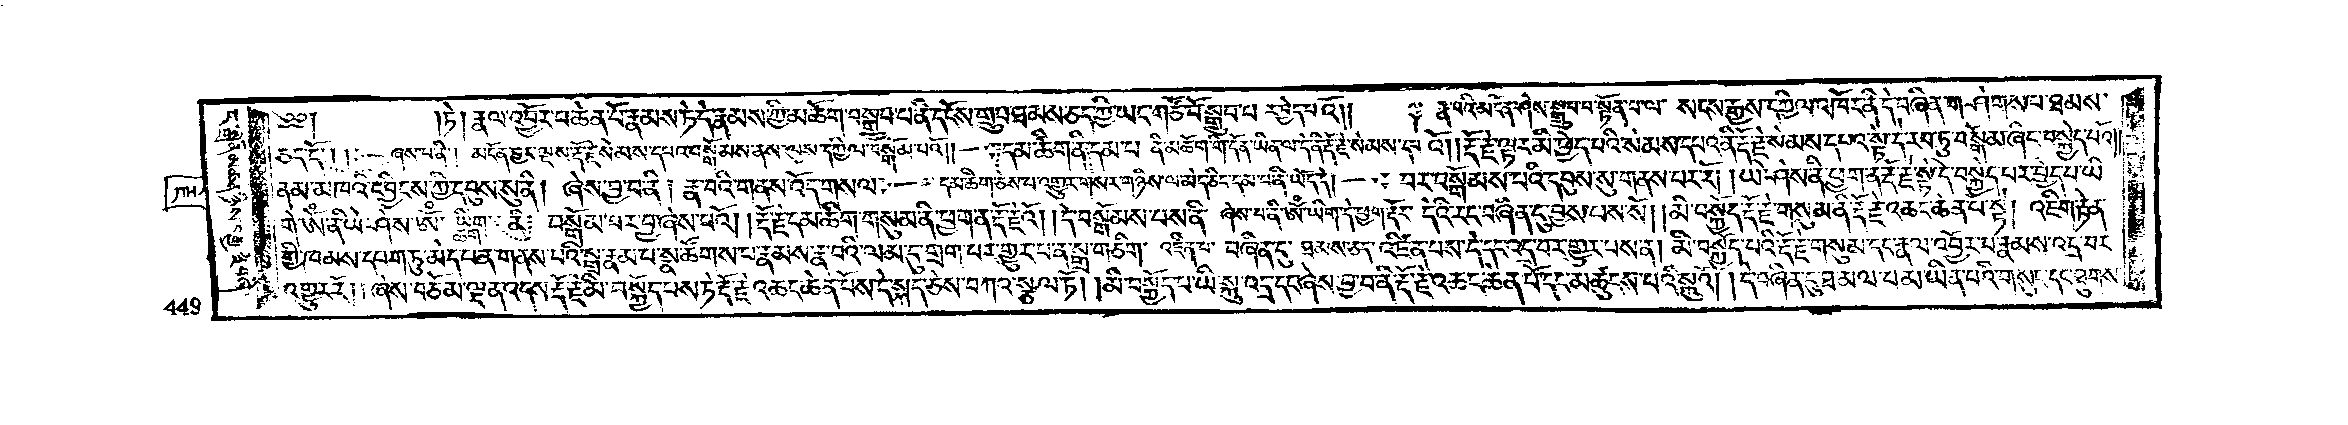༄༅། །ཏེ། རྣལ་འབྱོར་པ་ཆེན་པོ་རྣམས་ཏེ་དེ་རྣམས་ཀྱི་མཆོག་བསྒྲུབ་པ་ནི་དངོས་གྲུབ་ཐམས་ཅད་ཀྱི་ཡང་གཙོ་བོ་སྒྲུབ་པར་བྱེད་པའོ།། ༈ རྣ་བའི་མངོན་ཤེས་སྒྲུབ་པ་སྟོན་པ་ལ་སངས་རྒྱས་དཀྱིལ་འཁོར་ནི་དེ་བཞིན་གཤེགས་པ་ཐམས་
ཅད་དོ།། H.་ཞེས་པ་ནི། མངོན་བྱང་ལྔས་རྡོ་རྗེ་སེམས་དཔའ་བསྒོམས་ནས་ལུས་དཀྱིལ་བསྒོམ་པའོ།། .H དམ་ཚིག་ནི་དམ་པ་ནི་མཆོག་གི་དོན་ཡིན་ལ་དེ་ནི་རྡོ་རྗེ་སེམས་དཔའོ། རྡོ་རྗེ་ལྟར་མི་ཕྱེད་པའི་སེམས་དཔའ་ནི་རྡོ་རྗེ་སེམས་དཔའ་སྟེ་དེ་རབ་ཏུ་བསྒོམ་ཞིང་བསྐྱེད་པའོ།།
ནམ་མཁའི་དབྱིངས་ཀྱི་དབུས་སུ་ནི། ཞེས་བྱ་བ་ནི། རྣ་བའི་གནས་འོད་གསལ་H.་༧དམ་ཚིག་ཅེས་པ་འགྱུར་གསར་གཉིས་ལ་མེད་ཅིང་དམ་པ་ནི་ཡོད་དེ། .H བར་བསྒོམས་པའི་དབུས་སུ་གནས་པར་རོ། །ཡེ་ཤེས་ནི་ཕྱག་ན་རྡོ་རྗེ་སྟེ་ད་བསྐྱེད་པར་བྱེད་པ་ཡི་
གེ་ཨོཾ་ནི་ཡེ་ཤེས་ཨོཾ་ཡིག་ཆག་ནི་བསྒོམ་པར་བྱ་ཞེས་པའོ། །རྡོ་རྗེ་དམ་ཚིག་གསུམ་ནི་ཕྱག་ན་རྡོ་རྗེའོ། །དེ་བསྒོམས་པས་ནི་ཞེས་པ་ནི་ཨོཾ་ཡིག་དེ་ཕྱག་རྡོར་དེའི་རང་བཞིན་དུ་བྱས་པས་སོ། །མི་བསྐྱོད་རྡོ་རྗེ་གསུམ་ནི་རྡོ་རྗེ་འཆང་ཆེན་པོ་སྟེ། འཇིག་རྟེན་
གྱི་ཁམས་དཔག་ཏུ་མེད་པ་ན་གནས་པའི་སྒྲ་རྣམ་པ་སྣ་ཚོགས་པ་རྣམས་རྣ་བའི་ལམ་དུ་གྲག་པར་གྱུར་པ་ན་སྒྲ་གཅིག་འཛིན་པ་བཞིན་དུ་ཐམས་ཅད་འཛིན་པས་དེ་དང་འདྲ་བར་གྱུར་པས་ན། མི་བསྐྱོད་པའི་རྡོ་རྗེ་གསུམ་དང་རྣལ་འབྱོར་པ་རྣམས་འདྲ་བར་
འགྱུར་རོ། །ཞེས་བཅོམ་ལྡན་འདས་རྡོ་རྗེ་མི་བསྐྱོད་པས་ཏེ་རྡོ་རྗེ་འཆང་ཆེན་པོས་དེ་སྐད་ཅེས་བཀའ་སྩལ་ཏོ། །མི་བསྐྱོད་པ་ཡི་སྐུ་འདྲ་དང་ཞེས་བྱ་བ་ནི་རྡོ་རྗེ་འཆང་ཆེན་པོ་དང་མཚུངས་པའི་སྐུའོ། །དེ་བཞིན་དུ་ཐ་མལ་པ་མ་ཡིན་པའི་གསུང་དང་ཐུགས་